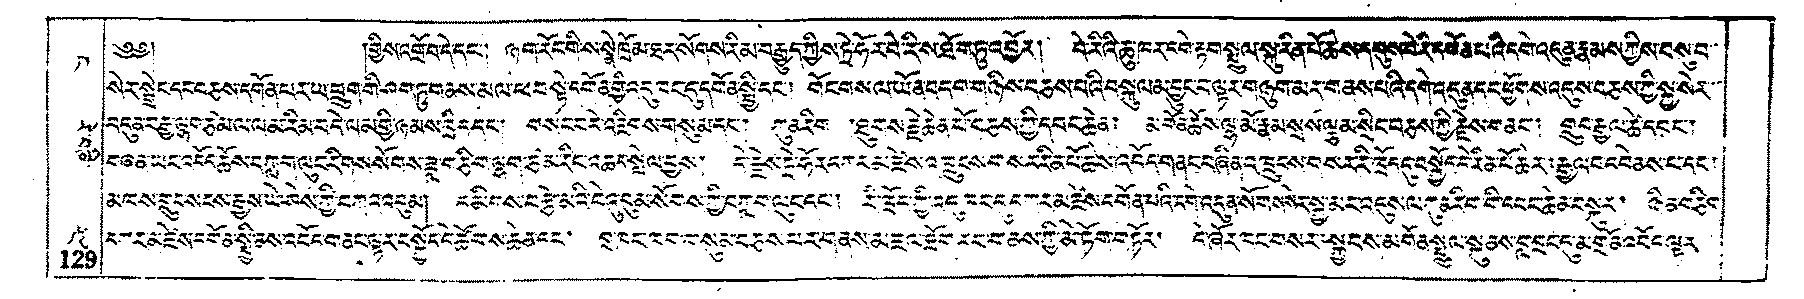༄༅། །གྱིས་འགྲོ་བ་དེ་དང་། ཉག་རོང་གི་ས་སྣེ་ཁྲོམ་ཐར་སོགས་རིམ་བརྒྱུད་ཀྱིས་ཏྲེ་ཧོར་བེ་རི་ས་ཐོག་ཏུ་འབྱོར། བེ་རིའི་ཆུ་ཁར་དགེ་རྟག་སྤྲུལ་སྐུ་རིན་པོ་ཆེས་དབུས་བེ་རི་དགོན་པའི་དགེ་འདུན་རྣམས་ཀྱིས་བསུ་བ་
སེར་སྦྲེང་?་དང་བཅས་དགོན་པར་ཡ་ཕྲུག་གི་ཤག་ཏུ་གནས་མལ་ཕབ་སྟེ་དགོན་གྱི་འདུ་ཁང་དུ་དགོན་སྤྱི་དང་། གོང་གསལ་ཡོན་བདག་གཉིས་བཅས་པའི་བསྐུལ་མ་བྱུང་བ་ལྟར་གཉུག་མར་གནས་པའི་དགེ་འདུན་དང་ཕྱོགས་འདུས་བཅས་ཀྱི་སྐྱ་སེར་
བདུན་བརྒྱ་ལྷག་ཙམ་ལ་ལམ་རིམ་བདེ་ལམ་གྱི་ཉམས་ཁྲིད་དང་། གསང་བདེ་འཇིགས་གསུམ་དང་། ཀུན་རིག །ཐུགས་རྗེ་ཆེན་པོ་བཅས་ཀྱི་དབང་ཆེན། མགོན་ཆོས་ལྷ་མོ་རྣམ་སྲས་ལྕམ་སྲིང་བཅས་ཀྱི་རྗེས་གནང་། གྲུབ་རྒྱལ་ཚེ་དབང་།
གཞན་ཡང་འདོད་ཆོས་བཀླག་ལུང་རིགས་སོགས་ཟླ་གཅིག་ལྷག་ཙམ་རིང་འཆད་སྤེལ་བྱས། དེ་རྗེས་ཏྲེ་ཧོར་དཀར་མཛེས་འཁྲུངས་གསར་རིན་པོ་ཆེས་འབོད་གནང་བཞིན་འཁྲུངས་གསར་རི་ཁྲོད་དུ་བསྐྱོད་དེ་རིན་པོ་ཆེར་༧རྒྱལ་བ་དབེན་ས་པ་དང་།
མཁས་གྲུབ་སངས་རྒྱས་ཡེ་ཤེས་ཀྱི་བཀའ་འབུམ། དམིགས་བརྩེ་མའི་བེའུ་བུམ་སོགས་ཀྱི་བཀླག་ལུང་དང་། རི་ཁྲོད་ཀྱི་འདུ་ཁང་དུ་དཀར་མཛེས་དགོན་པའི་དགེ་འདུན་སོགས་སེར་སྐྱ་མང་འདུས་ལ་ཀུན་རིག་གི་དབང་ཆེན་བསྐུར། ཉིན་གཅིག་
དཀར་མཛེས་དགོན་སྤྱི་ནས་འབོད་གནང་ལྟར་བསྐྱོད་དེ་ཚོགས་ཆེན་དང་། གྲ་ཁང་ཁག་གསུམ་བཅས་པར་གནས་མཇལ་ཐོག་རབ་གནས་ཀྱི་མེ་ཏོག་གཏོར། དེ་ཞོར་ཁང་གསར་༧སྐྱབས་མགོན་སྤྲུལ་སྐུ་ནས་བླ་བྲང་དུ་མགྲོན་འབོད་ལྟར་